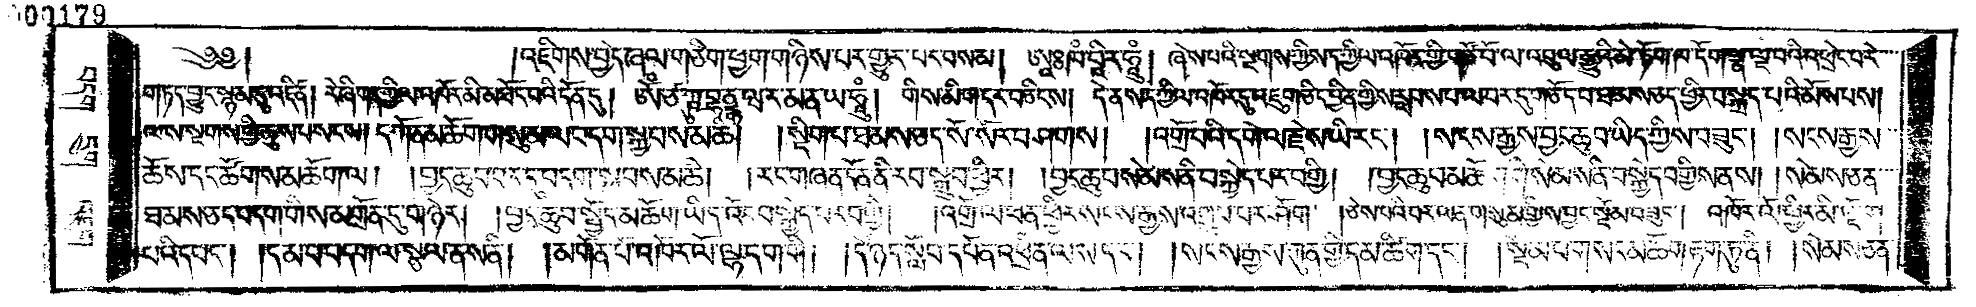༄༅། །འཇིགས་བྱེད་ཞལ་གཅིག་ཕྱག་གཉིས་པར་གྱུར་པར་བསམ། ཨཱཿ ཁཾ་བཱི་ར་ཧཱུཾ། ཞེས་པའི་སྔགས་ཀྱིས་དཀྱིལ་འཁོར་གྱི་གཙོ་བོ་ལ་འབུལ་རྒྱུའི་མེ་ཏོག་ཁ་དོག་སྣ་ལྔ་བའི་འཕྲེང་བ་རེ་
གཏད་བྱུང་སྙམ་དུ་འཛིན། རེ་ཞིག་དཀྱིལ་འཁོར་མི་མཐོང་བའི་དོན་དུ། ཨོཾ་ཙ་ཀྵུ་བྷནྡྷ་ཝ་ར་མ་ན་ཡ་ཧཱུཾ། གིས་མིག་དར་བཅིངས། དེ་ནས་དཀྱིལ་འཁོར་དུ་འཇུག་ཅིང་བྱིན་གྱིས་རླབས་པ་ལ་བར་དུ་གཅོད་པ་ཐམས་ཅད་ཕྱིར་བསྐྲད་པའི་མོས་པས།
ལས་སྔགས་ཀྱི་ཆུས་པ་སངས། དཀོན་མཆོག་གསུམ་ལ་བདག་སྐྱབས་མཆི། །སྡིག་པ་ཐམས་ཅད་སོ་སོར་བཤགས། །འགྲོ་བའི་དགེ་ལ་རྗེས་ཡི་རང་། །སངས་རྒྱས་བྱང་ཆུབ་ཡིད་ཀྱིས་བཟུང་། །སངས་རྒྱས་
ཆོས་དང་ཚོགས་མཆོག་ལ། །བྱང་ཆུབ་བར་དུ་བདག་སྐྱབས་མཆི། །རང་གཞན་དོན་ནི་རབ་སྒྲུབ་ཕྱིར། །བྱང་ཆུབ་སེམས་ནི་བསྐྱེད་པར་བགྱི། །བྱང་ཆུབ་མཆོག་གི་སེམས་ནི་བསྐྱེད་བགྱིས་ནས། །སེམས་ཅན་
ཐམས་ཅད་བདག་གིས་མགྲོན་དུ་གཉེར། །བྱང་ཆུབ་སྤྱོད་མཆོག་ཡིད་འོང་བསྐྱེད་པར་བགྱི། །འགྲོ་ལ་ཕན་ཕྱིར་སངས་རྒྱས་འགྲུབ་པར་ཤོག ། ཅེས་པའི་བར་ལན་གསུམ་གྱིས་བྱང་སྡོམ་བཟུང་།  འཁོར་ལོ་ཕྱིར་མི་ལྡོག་
པའི་དབང་། །དམ་པ་བདག་ལ་སྩལ་ནས་ནི། །མགོན་པོ་འཁོར་ལོ་ལྷ་དག་གི། །དེ་ཉིད་སློབ་དཔོན་འཕྲིན་ལས་དང་། །སངས་རྒྱས་ཀུན་གྱི་དམ་ཚིག་དང་། །སྡོམ་པ་གསང་མཆོག་རྟག་ཏུ་ནི། །སེམས་ཅན་